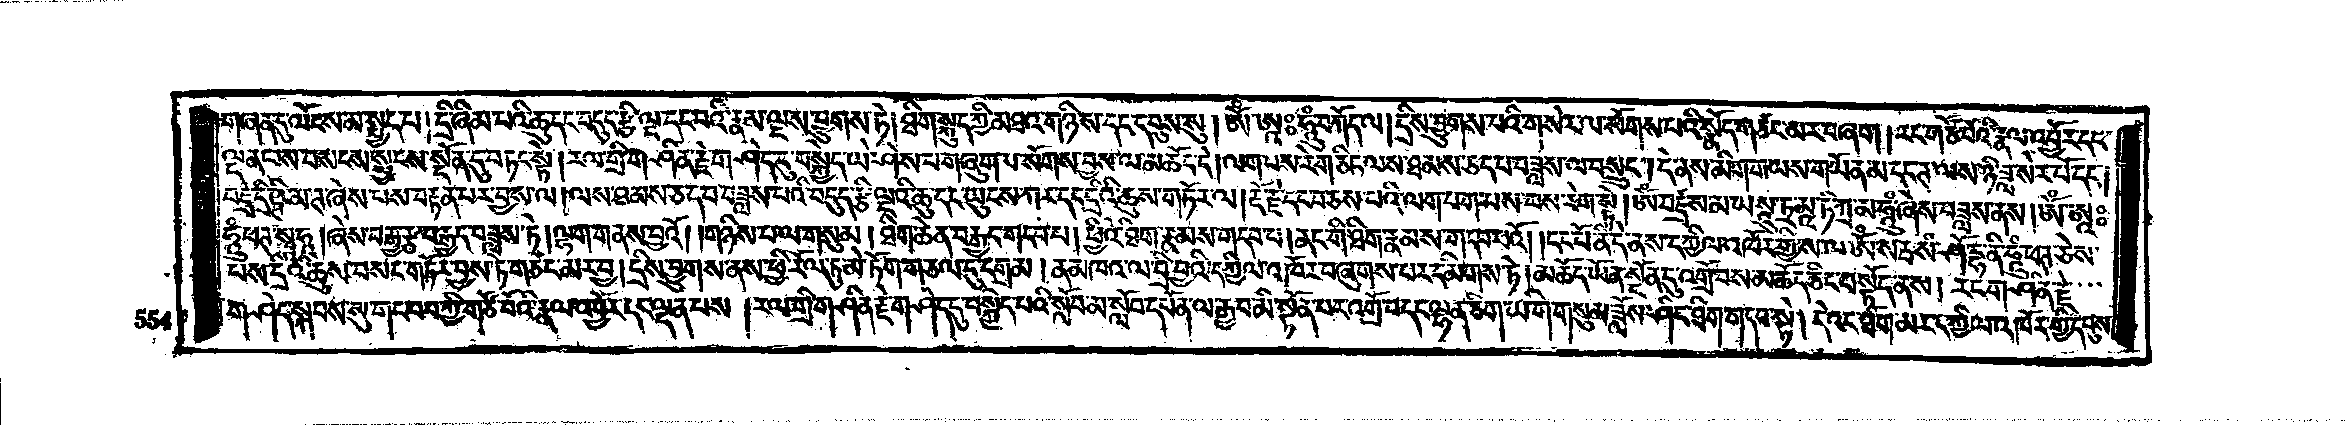གཞན་དུ་ལོངས་མ་སྤྱད་པ། དྲི་ཞིམ་པའི་ཆུ་དང་བདུད་རྩི་ལྔ་དང་བའི་རྣམ་ལྔས་བྱུགས་ཏེ། ཐིག་སྐུད་ཀྱི་མཐའ་གཉིས་དང་དབུས་སུ། ཨོཾ་ཨཱཿ ཧཱུཾ་བཀོད་ལ། དྲིས་བྱུགས་པའི་གསེར་ལ་སོགས་པའི་སྣོད་གཙང་མར་བཞག །རང་གཙོ་བོའི་རྣལ་འབྱོར་དང་
ལྡན་པས་བསངས་སྤྱངས་སྔོན་དུ་བཏང་སྟེ། རལ་གྲི་གཤིན་རྗེ་གཤེད་དུ་བསྐྱེད་ཡེ་ཤེས་པ་གཞུག་པ་སོགས་བྱས་ལ་མཆོད་དེ། ལག་པས་རེག་ཅིང་ལས་ཐམས་ཅད་པ་བཟླས་ལ་བསྲུང་། དེ་ནས་མིག་གཡས་གཡོན་མ་དང་ཊ་ལས་ཉི་ཟླ་སེར་པོ་དང་།
བཛྲ་དྲི་ཥྚི་མ་ཊ་ཞེས་པས་བརྟན་པར་བྱས་ལ། ལས་ཐམས་ཅད་པ་བཟླས་པའི་བདུད་རྩི་ལྔའི་ཆུ་དང་ཡུངས་ཀར་དང་དྲིའི་ཆུས་གཏོར་ལ། རྡོ་རྗེ་དང་བཅས་པའི་ལག་པ་གཡས་པས་རེག་སྟེ། ཨོཾ་བཛྲ་ས་མ་ཡ་སཱུ་ཏྲ་མཱ་ཏི་ཀྲ་མ་ཧཱུཾ་ཞེས་བཟླས་ནས། ཨོཾ་ཨཱཿ
ཧཱུཾ་ཕཊ་སྭཱ་ཧཱ། ཞེས་བརྒྱ་རྩ་བརྒྱད་བཟླས་ཏེ། ལྷག་གནས་བྱའོ། །གཉིས་པ་ལ་གསུམ། ཐིག་ཆེན་བརྒྱད་གདབ་པ། ཕྱིའི་ཐིག་རྣམས་གདབ་པ། ནང་གི་ཐིག་རྣམས་གདབ་པའོ། །དང་པོ་ནི་དེ་ནས་དཀྱིལ་འཁོར་གྱི་ས་ལ་ཨོཾ་སརྦ་སཾ་ཤོ་དྷ་ནི་ཧཱུཾ་ཕཊ་ཅེས་
པས་དྲིའི་ཆུས་བསང་གཏོར་བྱས་ཏེ་གཙང་མར་བྱ། དྲིས་བྱུགས་ནས་ཕྱི་རོལ་ཏུ་མེ་ཏོག་གཅལ་དུ་དགྲམ། ནམ་མཁའ་ལ་བྲི་བྱའི་དཀྱིལ་འཁོར་བཞུགས་པར་དམིགས་ཏེ། མཆོད་ཡོན་སྔོན་དུ་འགྲོ་བས་མཆོད་ཅིང་བསྟོད་ནས། རང་གཤིན་རྗེ་
གཤེད་སྐབས་སུ་གང་བབ་ཀྱི་གཙོ་བོའི་རྣལ་འབྱོར་དང་ལྡན་པས། རལ་གྲི་གཤིན་རྗེ་གཤེད་དུ་བསྐྱེད་པའི་སློབ་མ་སློབ་དཔོན་ལ་རྒྱབ་མི་སྟོན་པར་འགྲོ་བ་དང་ལྷན་ཅིག་ཡི་གེ་གསུམ་ཟློས་ཤིང་ཐིག་གདབ་སྟེ། དེའང་ཐོག་མར་དཀྱིལ་འཁོར་གྱི་དབུས་